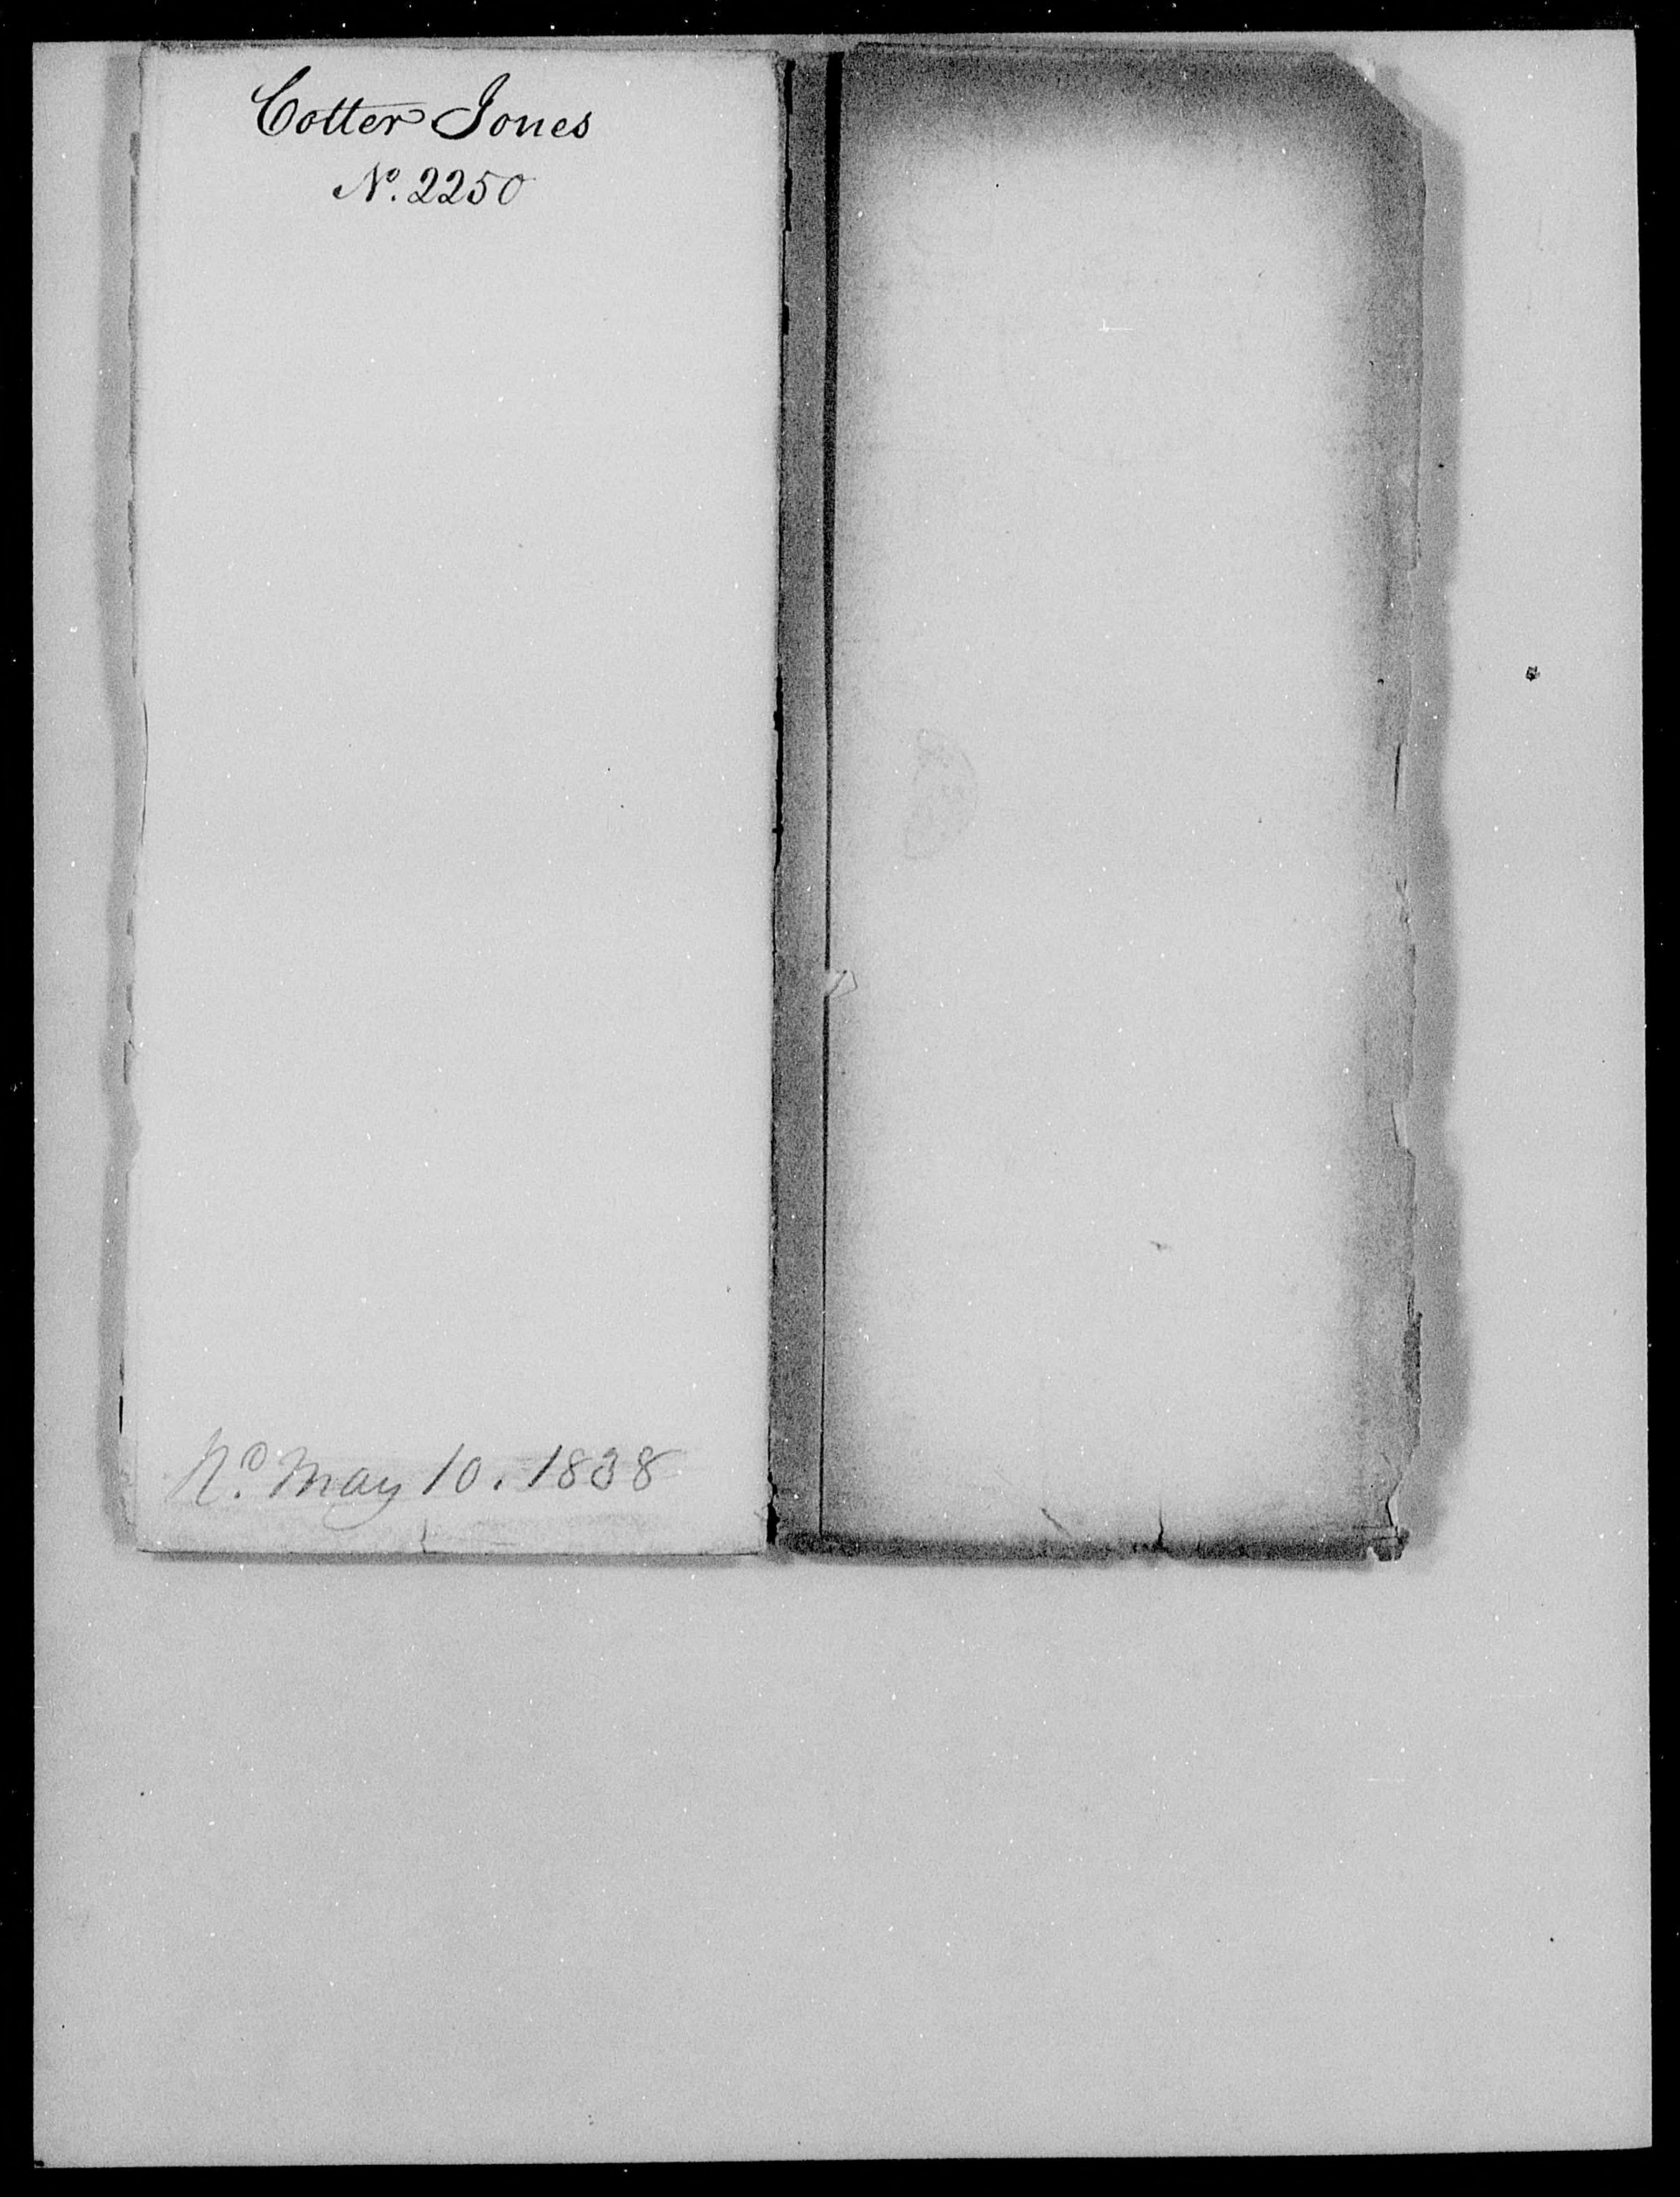Cotter Jones
No 2250

No May 10 1838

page: 4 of 15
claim: survivor's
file: S. 34946, for Cotter Jones, Maryland